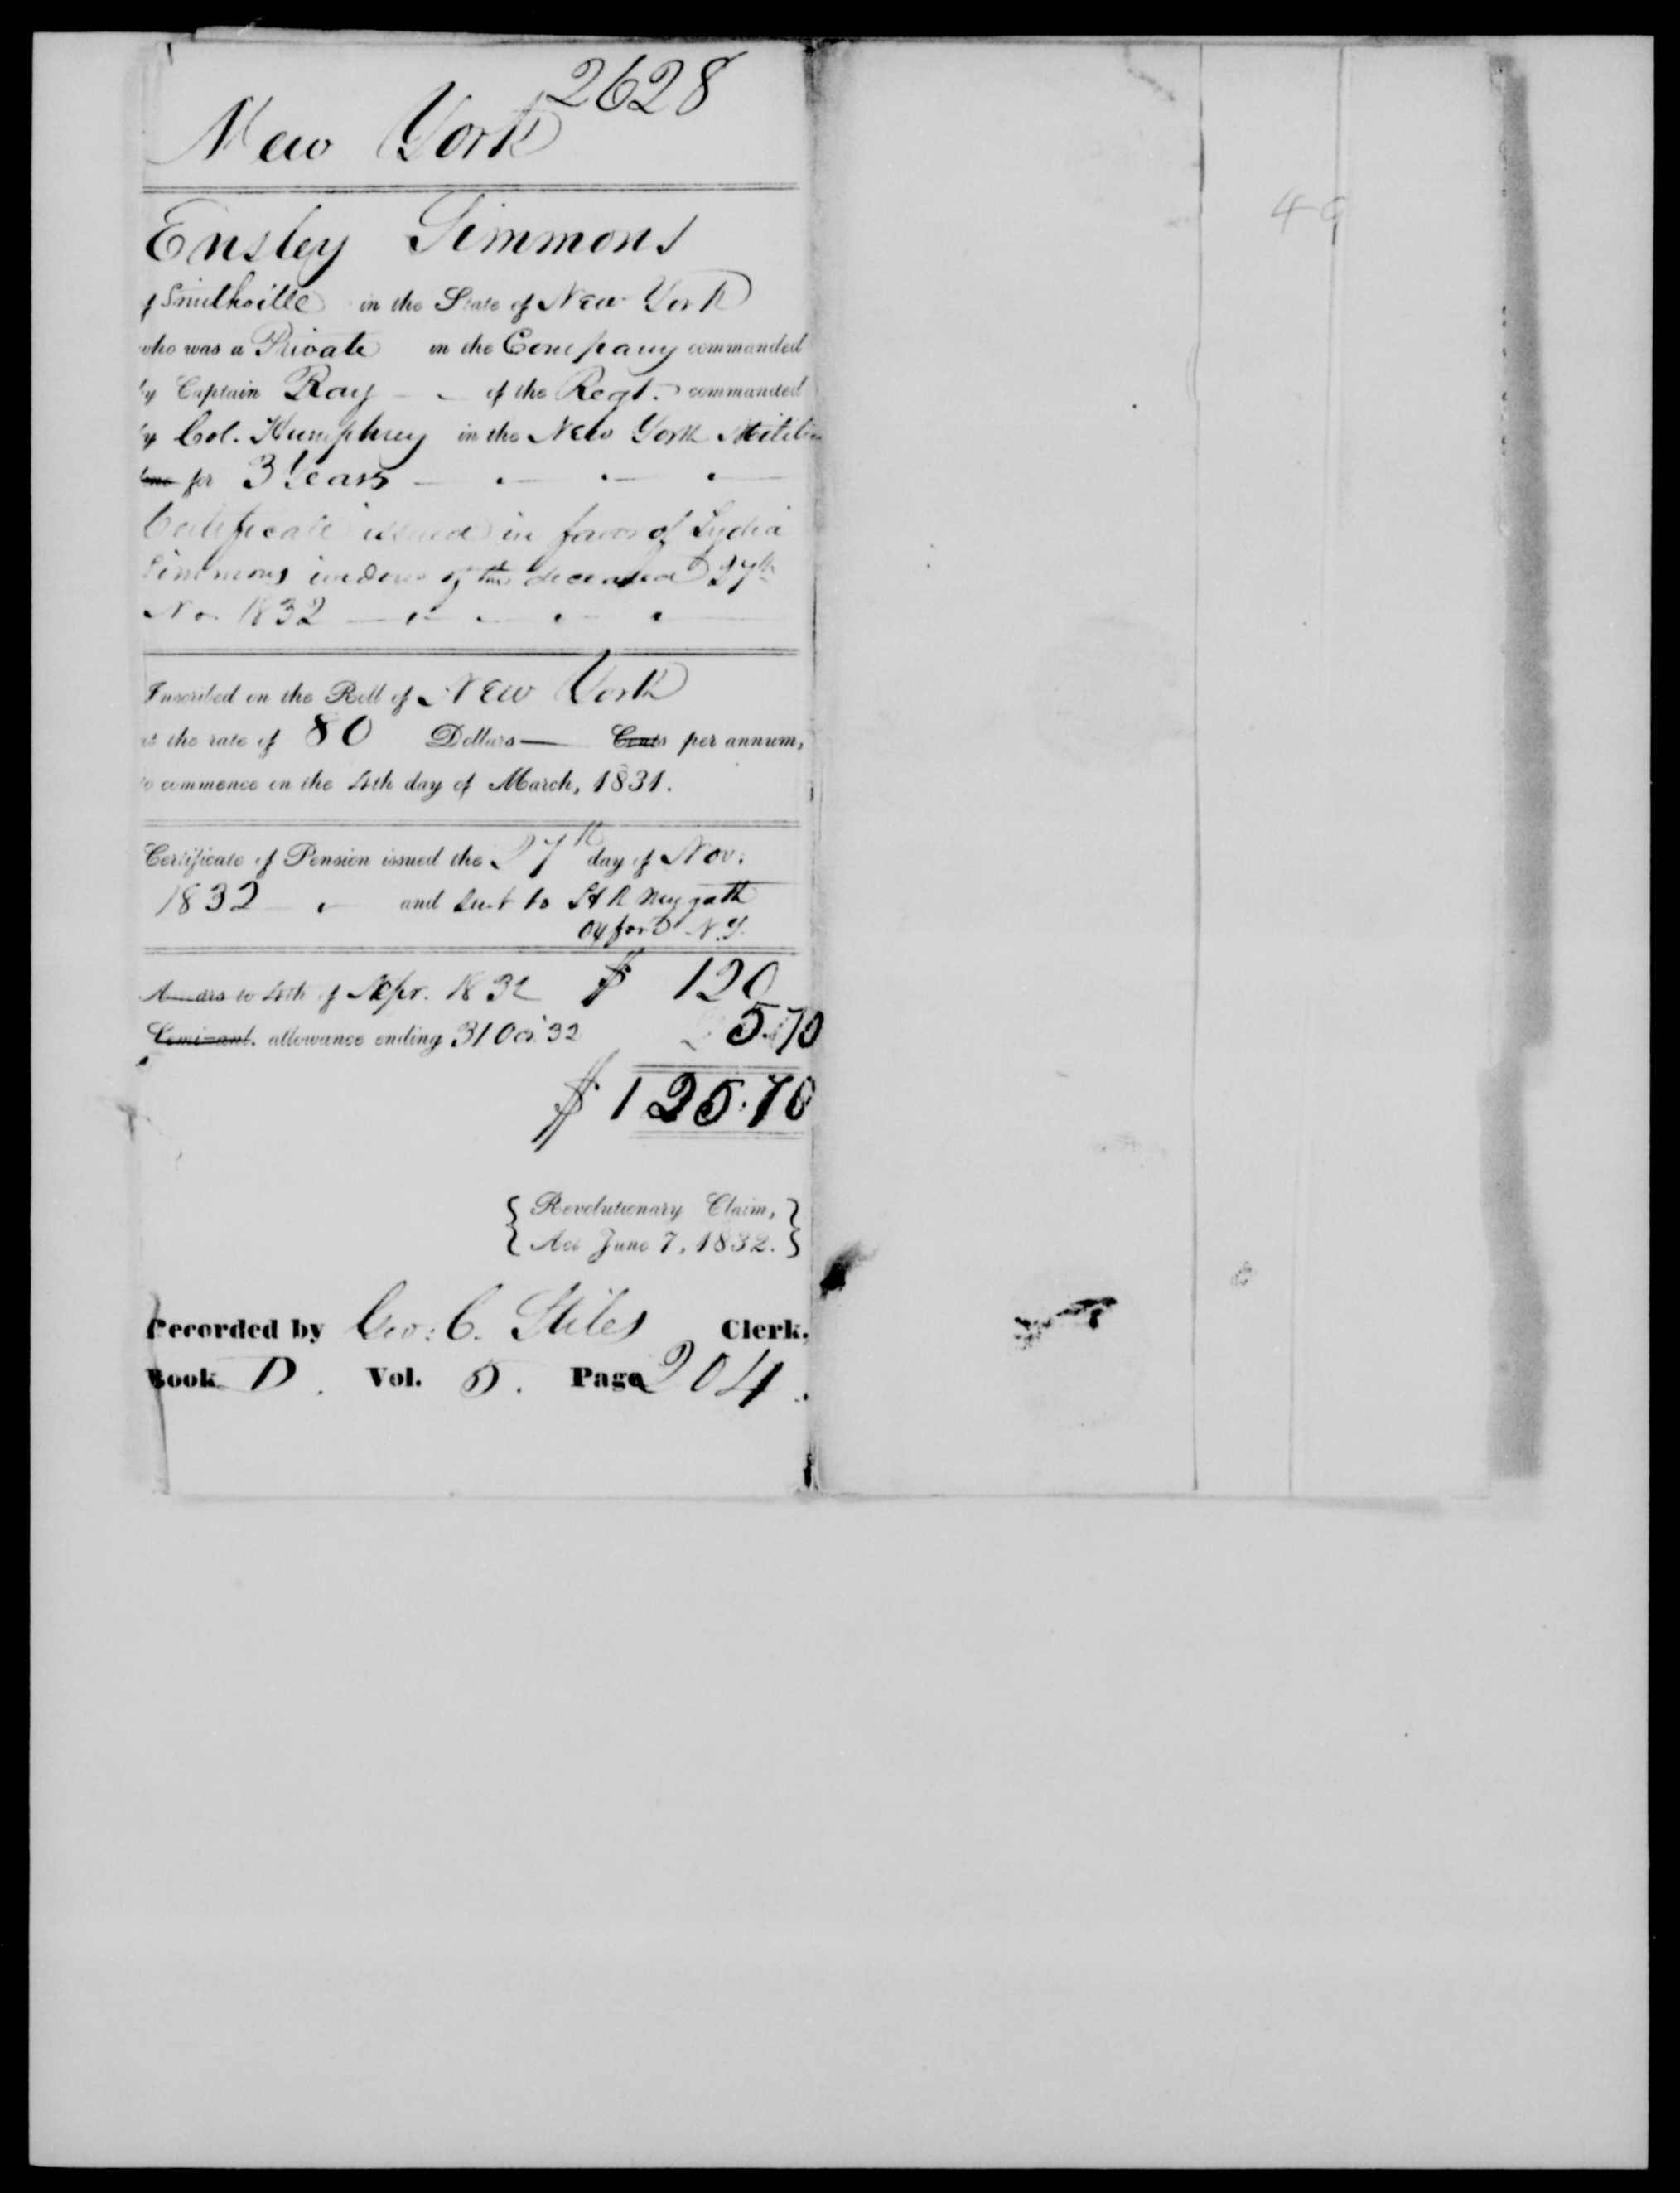New York 2628
Ensley Simmons
Smithville in the State of New York
who was a Private in the Company commanded
by Captain Ray of the Regt. commanded
Col. Humphrey in the New York Militia
for 3 years--

Certificate issued in favor of Lydia
Simmons widow of the deceased 27th
No. 1832--
Inscribed on the Roll of New York
the rate of 80 Dollars per annum,
to commence on the 4th day of March, 1831.
Certificate of Pension issued the 27th day of Nov  1832 and sent to H R Mygath 
04 for N.Y.
[illegible] to 4th of Apr. 1832    $120
allowance ending 310 or 32      $5.70
$125.76
⎨ Revolutionary Claim,
Act June 7, 1832.
Recorded by Geo. C. Stiles
Clerk.
Book D. Vol D. Page 204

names: [BLANK] Humphrey; H R Mygatt; Ensley Simmons; Geo C Stiles; [BLANK] Ray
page: 2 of 29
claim: widow's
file: W. 19,032, for Ensley Simmons, New York